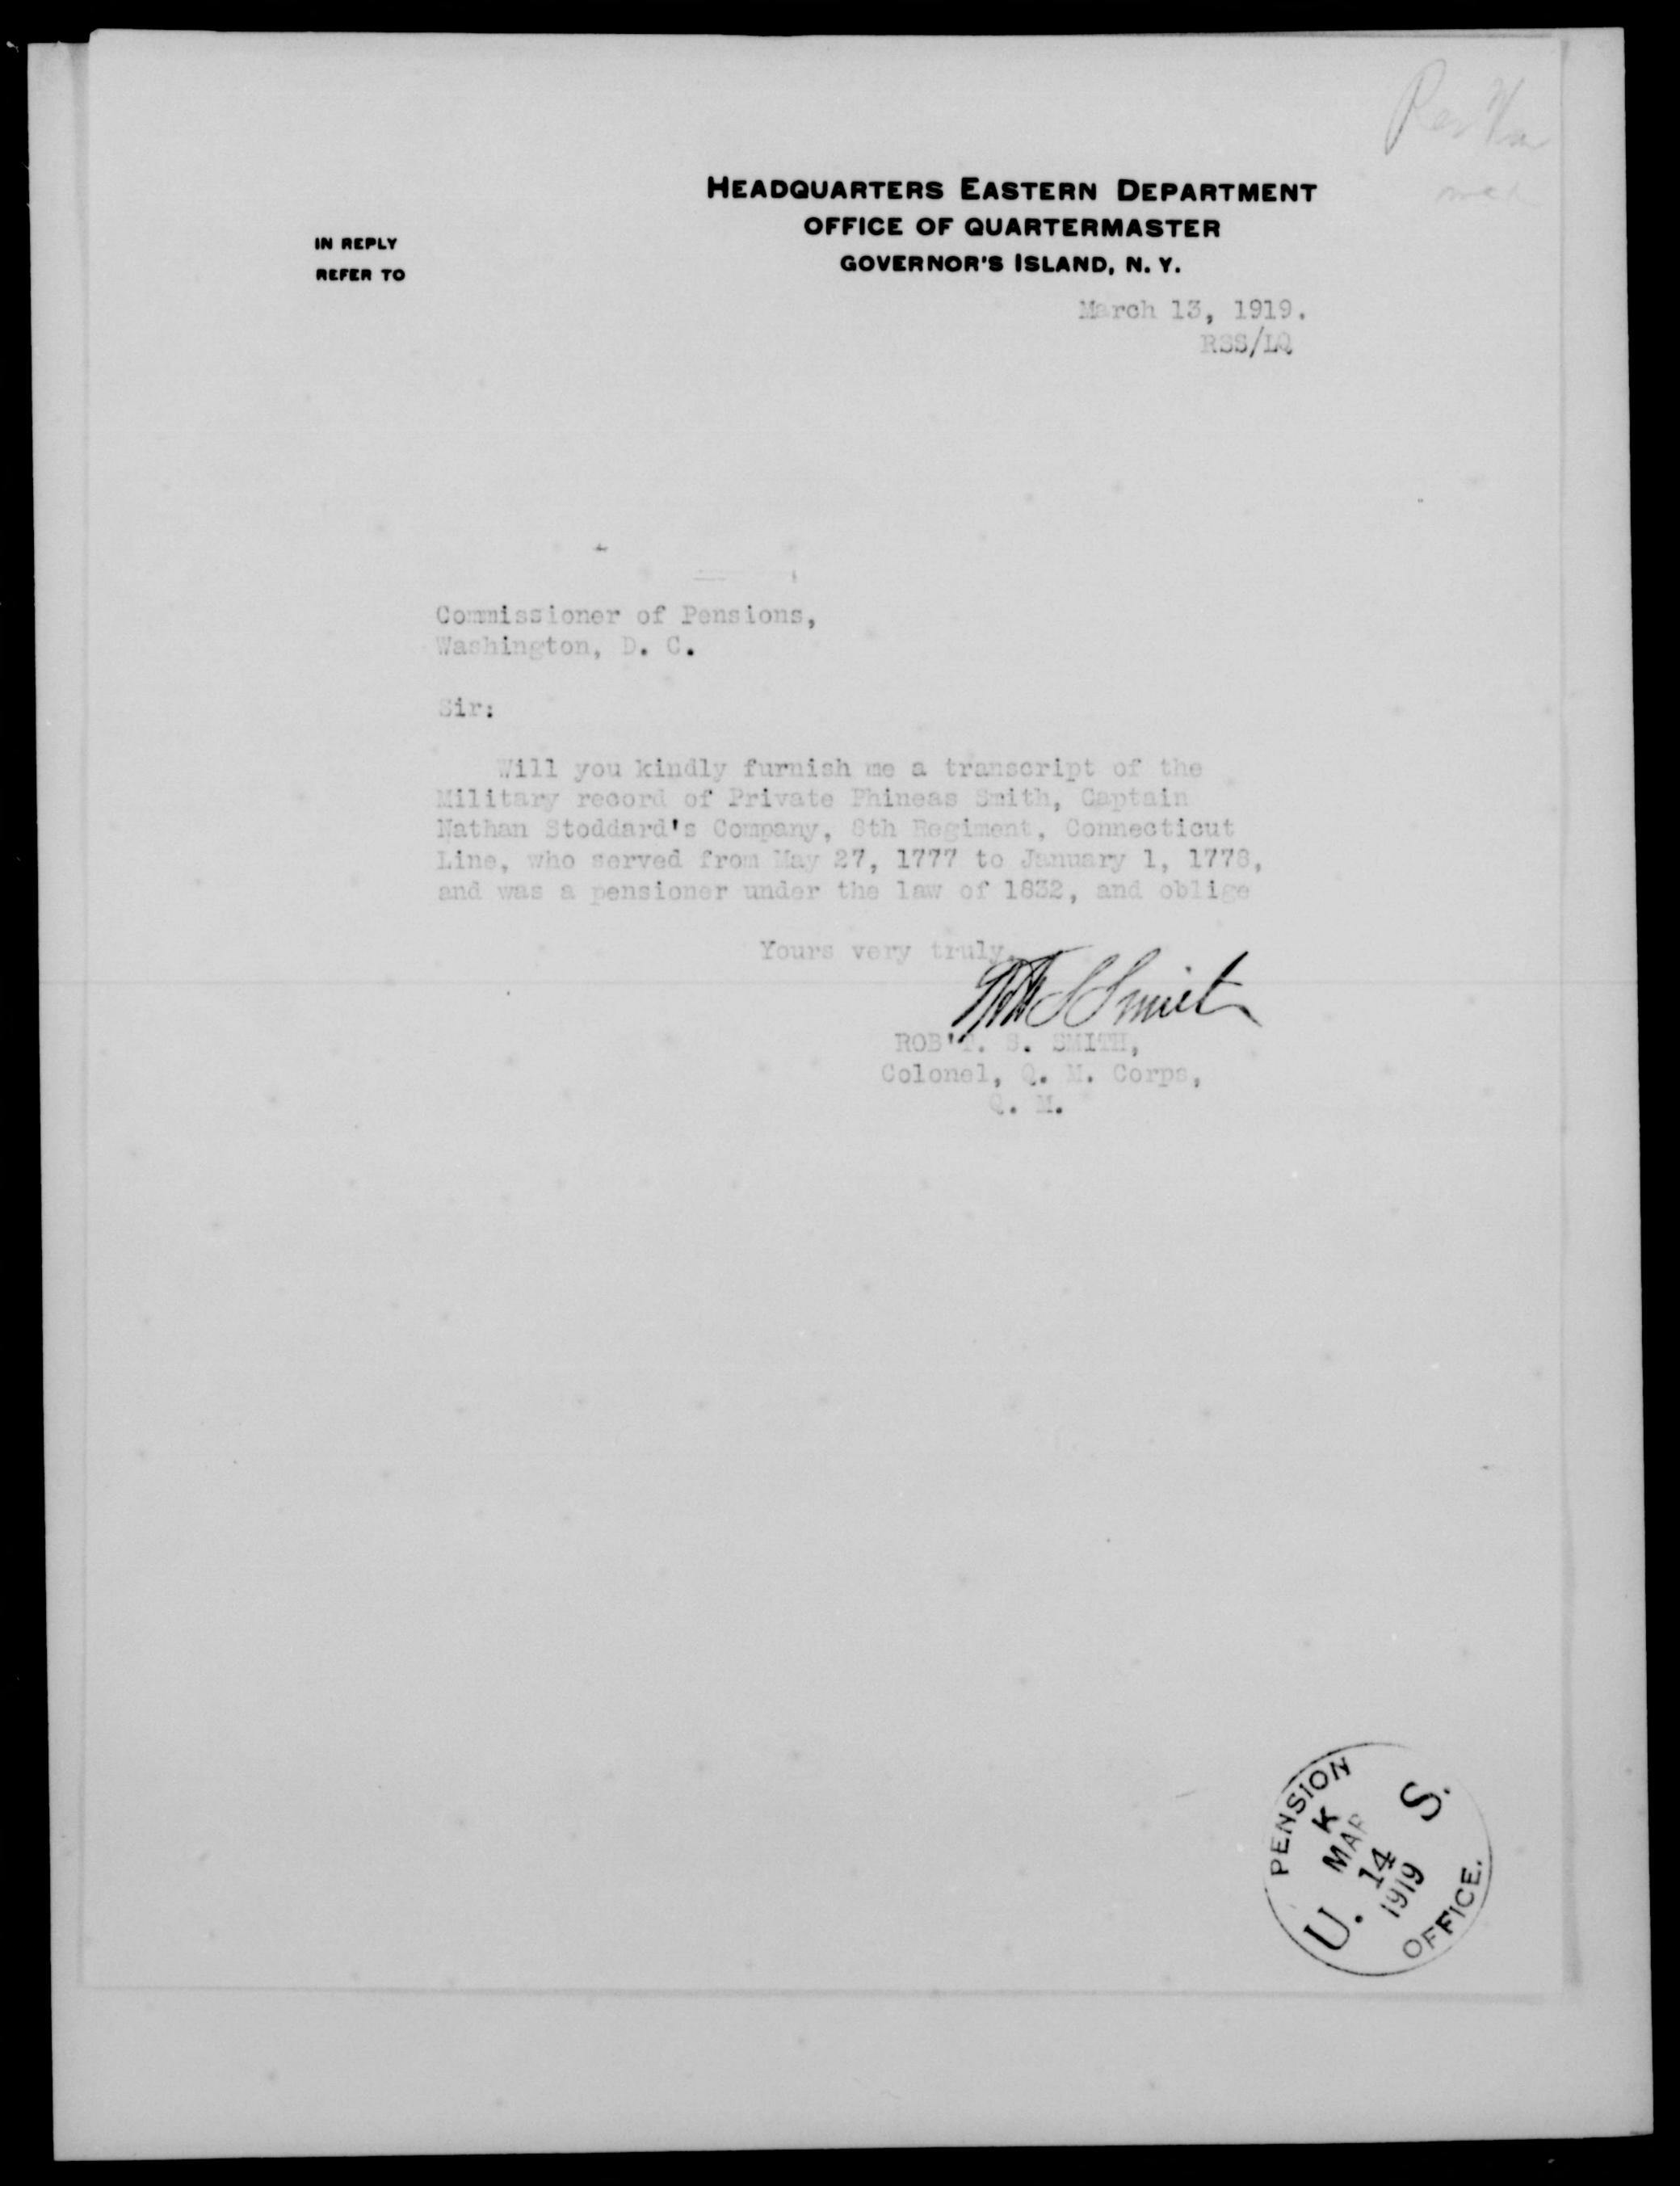Rev War
IN REPLY REFER TO 
HEADQUARTERS EASTERN DEPARTMENT 
OFFICE OF QUARTERMASTER 
GOVERNOR'S ISLAND, N.Y. 
March 13, 1919.
RSS/LQ
Commissioner of Pensions, 
Washington, D. C. 
Sir:
Will you kindly furnish me a transcript of the Military record of Private Phineas Smith, Captain Nathan Stoddard's Company, 8th Regiment, Connecticut Line, who served from May 27, 1777 to January 1, 1778, and was a pensioner under the law of 1832, and oblige 
Yours very truly
Robt. B. Smith
Colonel, Q. M. Corps, 
Q.M.
[stamp] U.S. PENSION OFFICE  K MAR 14 1919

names: Robt B Smith; Phineas Smith; [ILLEGIBLE] Smith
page: 55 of 55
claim: widow's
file: W. 11480, for Phinehas Smith, Connecticut